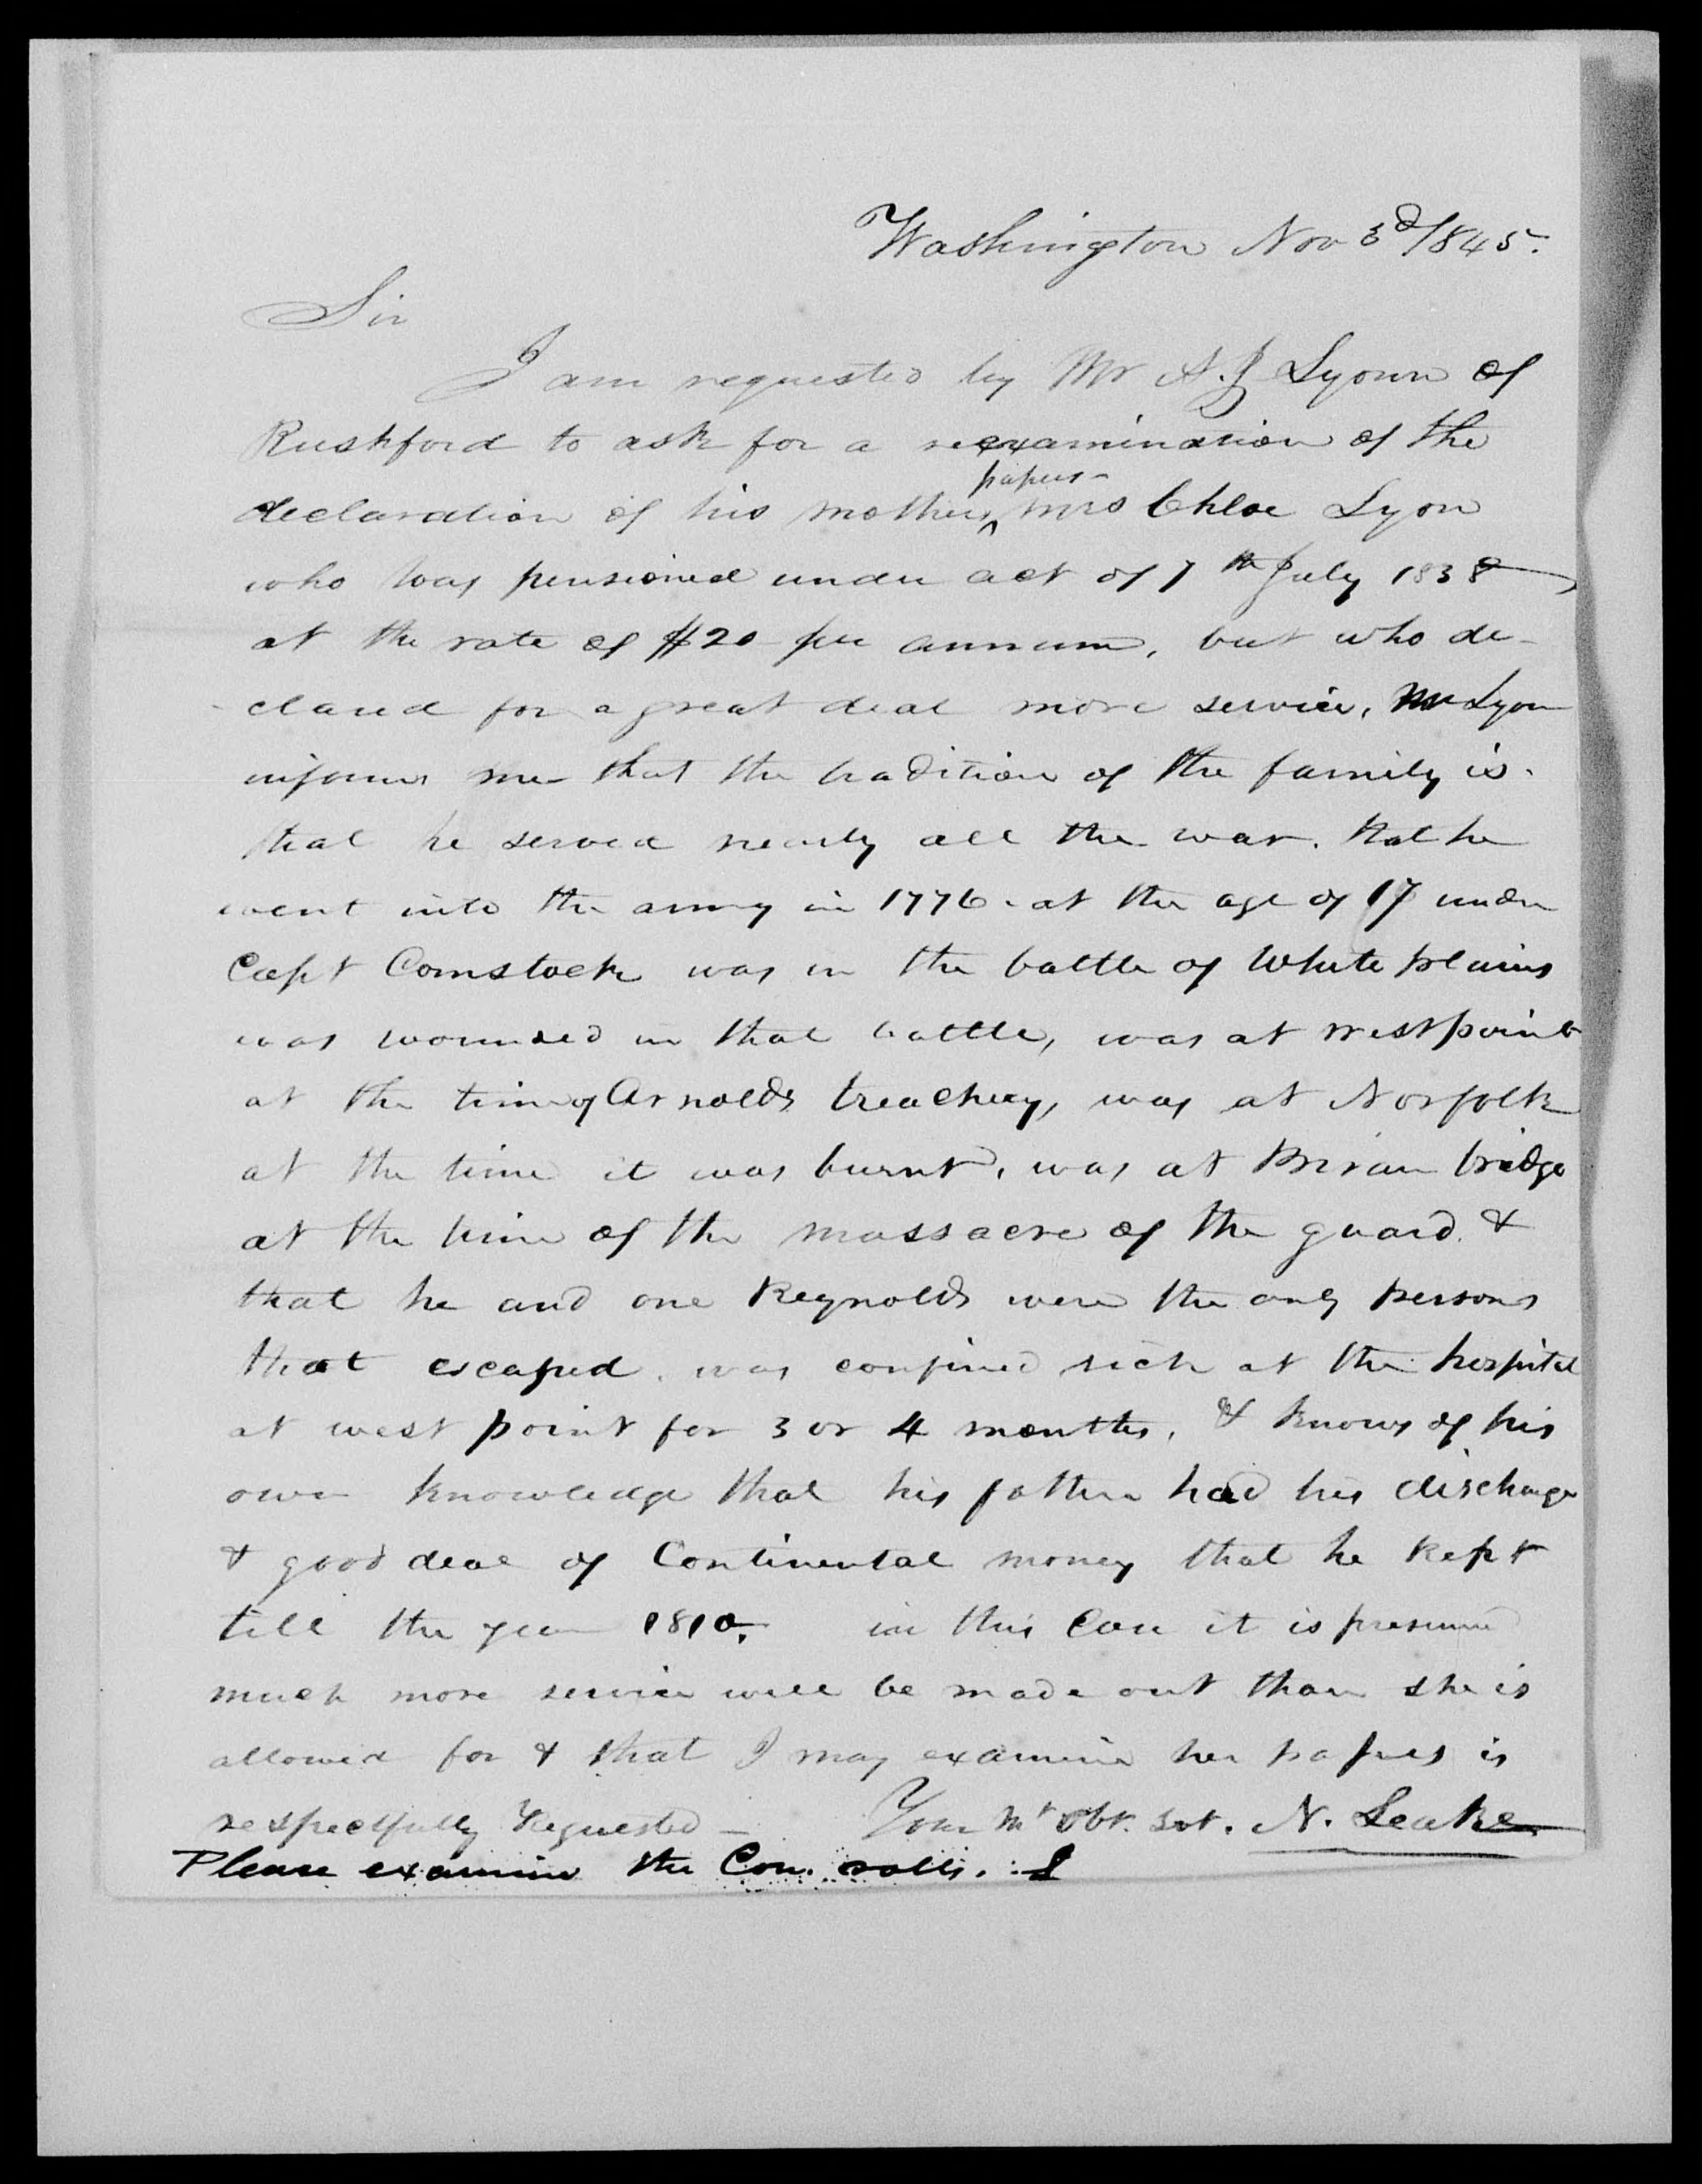Washington Nov 3d 1845.
Sir
I am requested by Mr A.J. Lyon of Rushford to ask for a reexamination of the declaration of his mothers papers - Mrs Chloe Lyon who was pensioned under act of 7th July 1838 at the rate of $20 per annum, but who declared for a great deal more service, Mrs Lyon informs me that the tradition of the family is that he served nearly all the war, that he went into the army in 1776 - at the age of 17 under Capt Comstock was in the battle of White plains was wounded in that battle, was at West Point at the time of Arnold's treachery, was at Norfolk at the time  it was burnt, was at Brian bridge at the time of the massacre of the guard. & that he and one Reynolds were the only persons that escaped. was confined sick at the hospital at west point for 3 or 4 months, & knows of his own knowledge that his father had his discharge & good deal of Continental money that he kept till the year 1810, in this case it is presumed much more service will be made out than she is allowed for & that I may examine her papers is respectfully requested - Your mt obt. svt. N. Leake
Please examine the Con. rolls. L.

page: 27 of 40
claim: widow's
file: W. 24,615, for Ebenezer Lyon, Connecticut